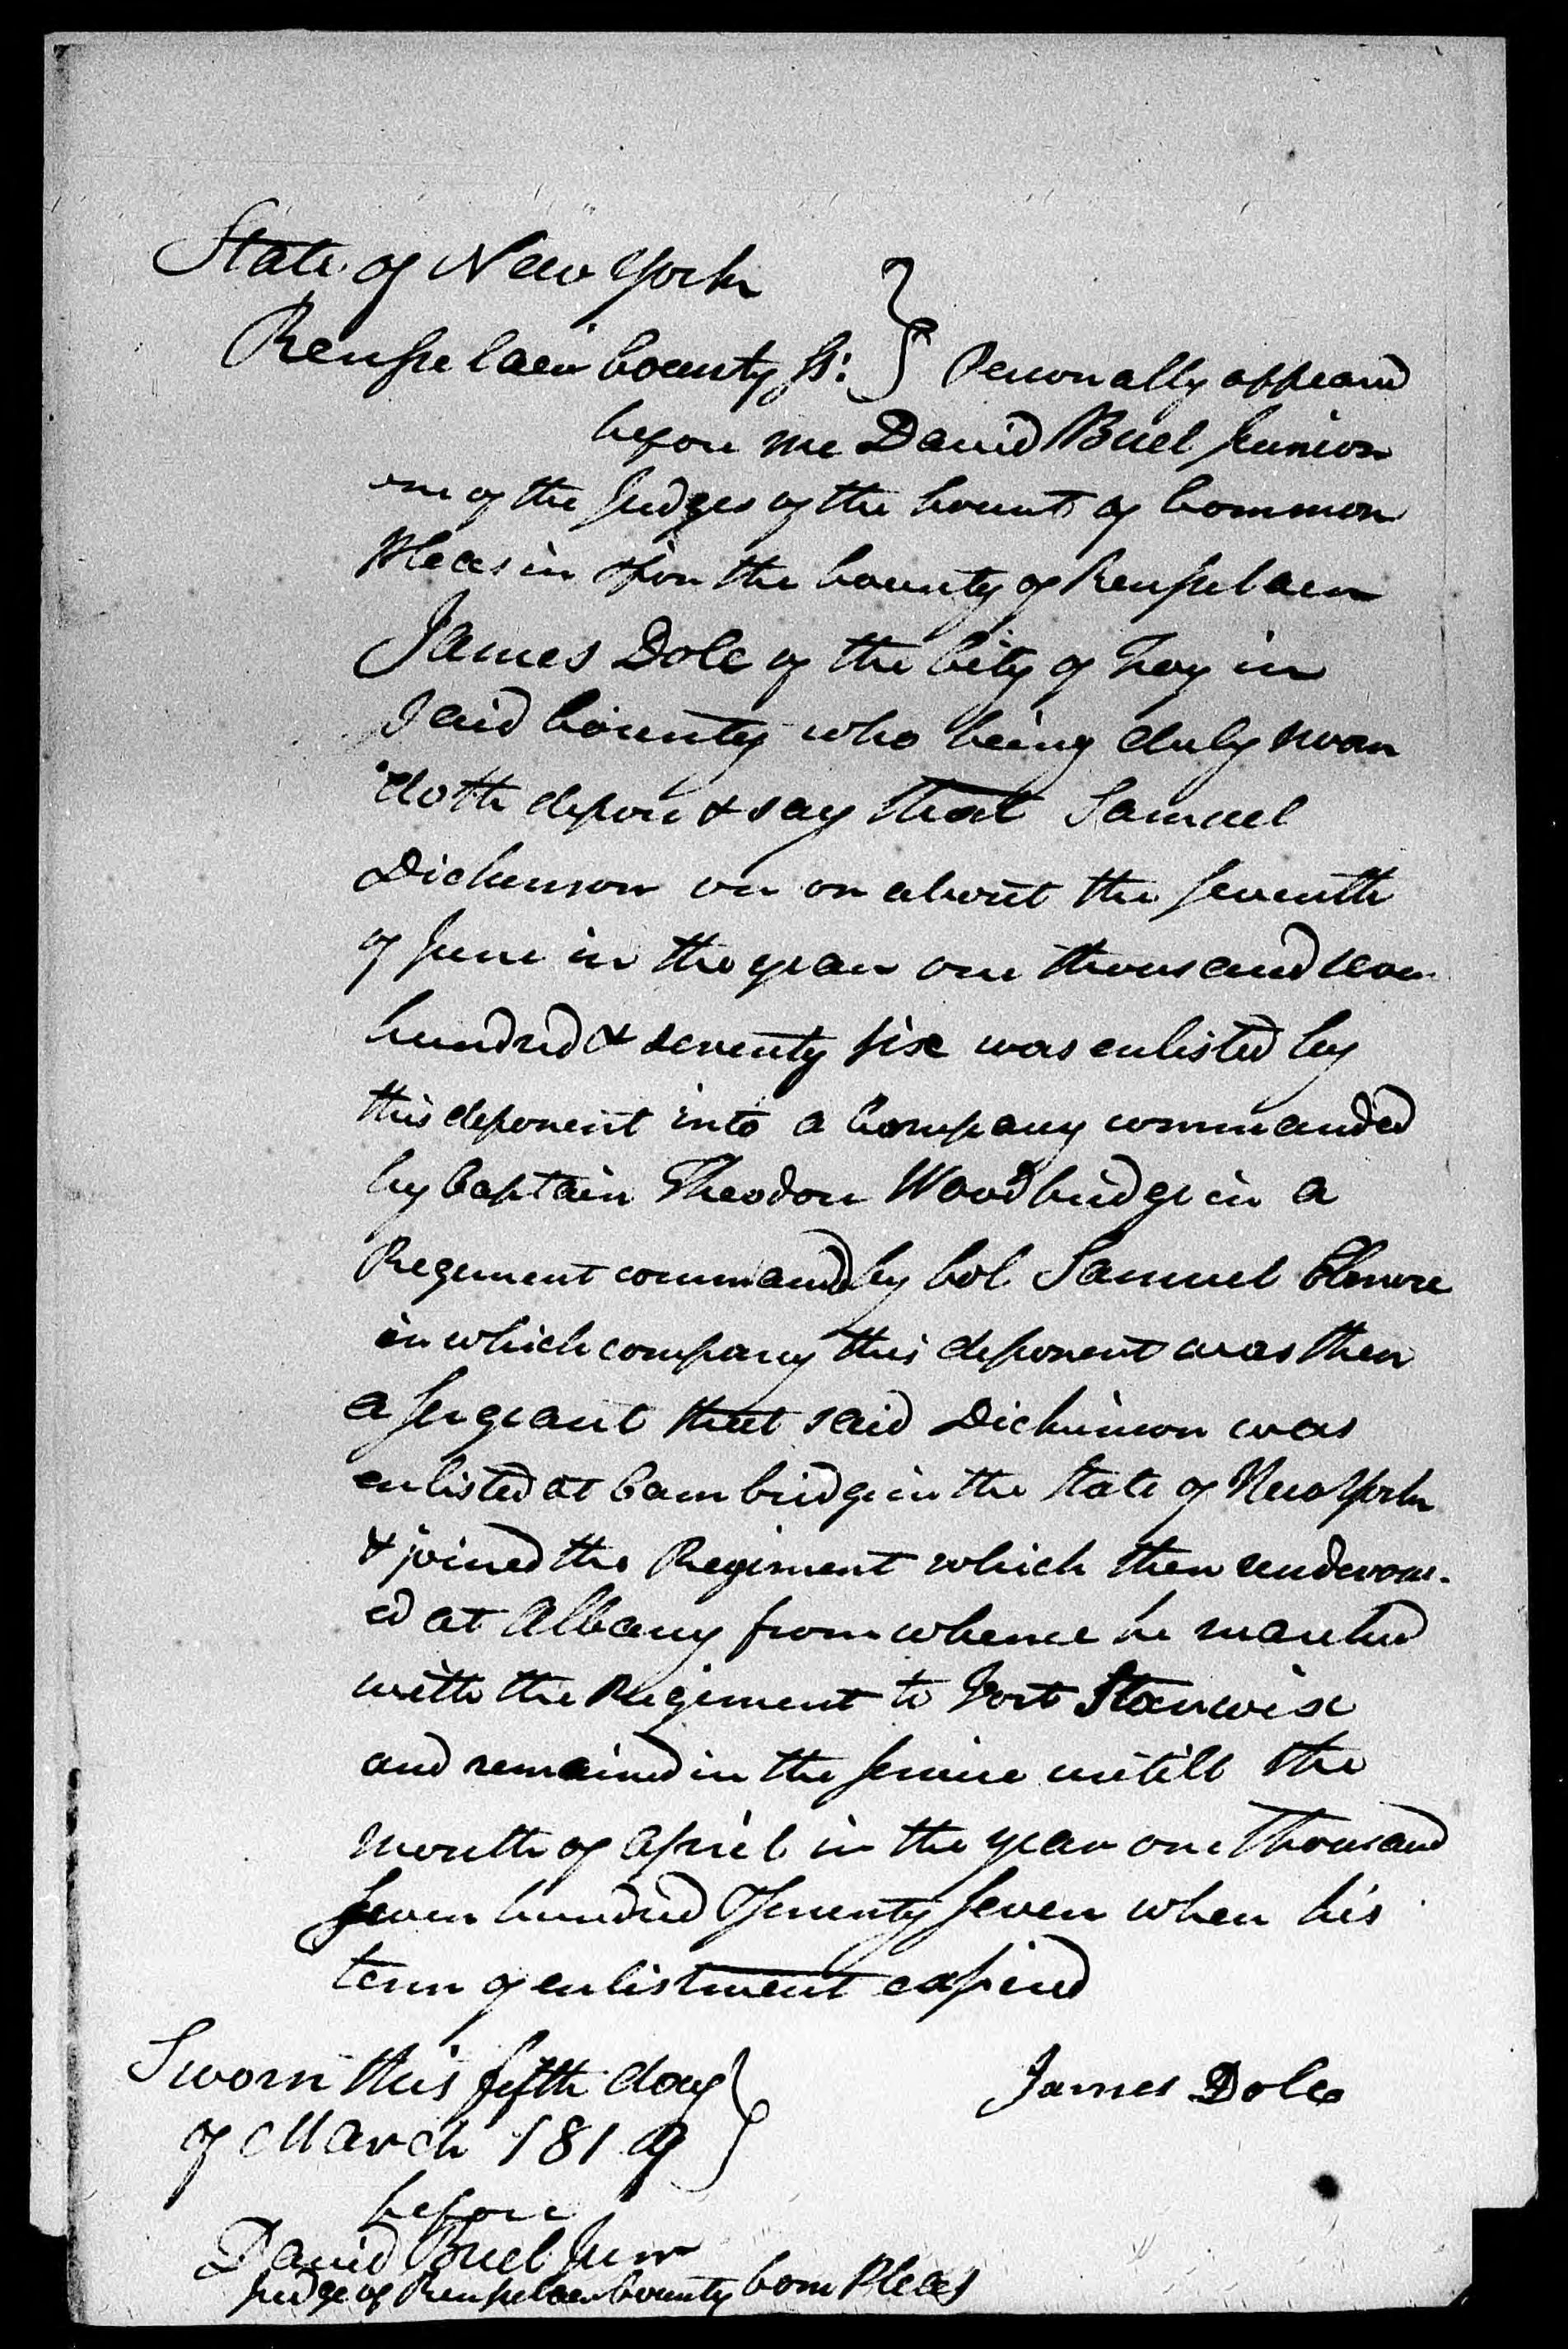State of New York
Rensselaer County S: } Personally appeared before me David Buel Junior one of the judges of the court by Common Pleas for the County of Rensselaer James Dole of the City of Troy in said county who being duly sworn doth depose & say that Samuel Dickinson oer on about the seventh of June in the year one thousand seven hundred & seventy six was enlisted by this deponent into a company commanded by Captain Theodore Woodbridge in a Regiment commanded by Col Samuel Elmore in which company this deponent was then a sergeant that said Dickinson was enlisted at Cambridge in the State of New York * joined the Regiment which then rendevoused at Albany from whence he marched with the Regiment to Fort Stanwix and remained in the service untill the seventh of April in the year one thousand seven hundred seventy seven when his term of enlistment expired
Sworn this fifth day of March 1819} James Dole
before
David Buel Junior
Judge of Rensselaer County Com Pleas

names: James Dole, James Dole, David Buel, Dickinson, Samuel Dickenson, David Buel, Thoedore Woodbridge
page: 59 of 60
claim: widow's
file: W 16,955, Samuel Dickinson, Conn.